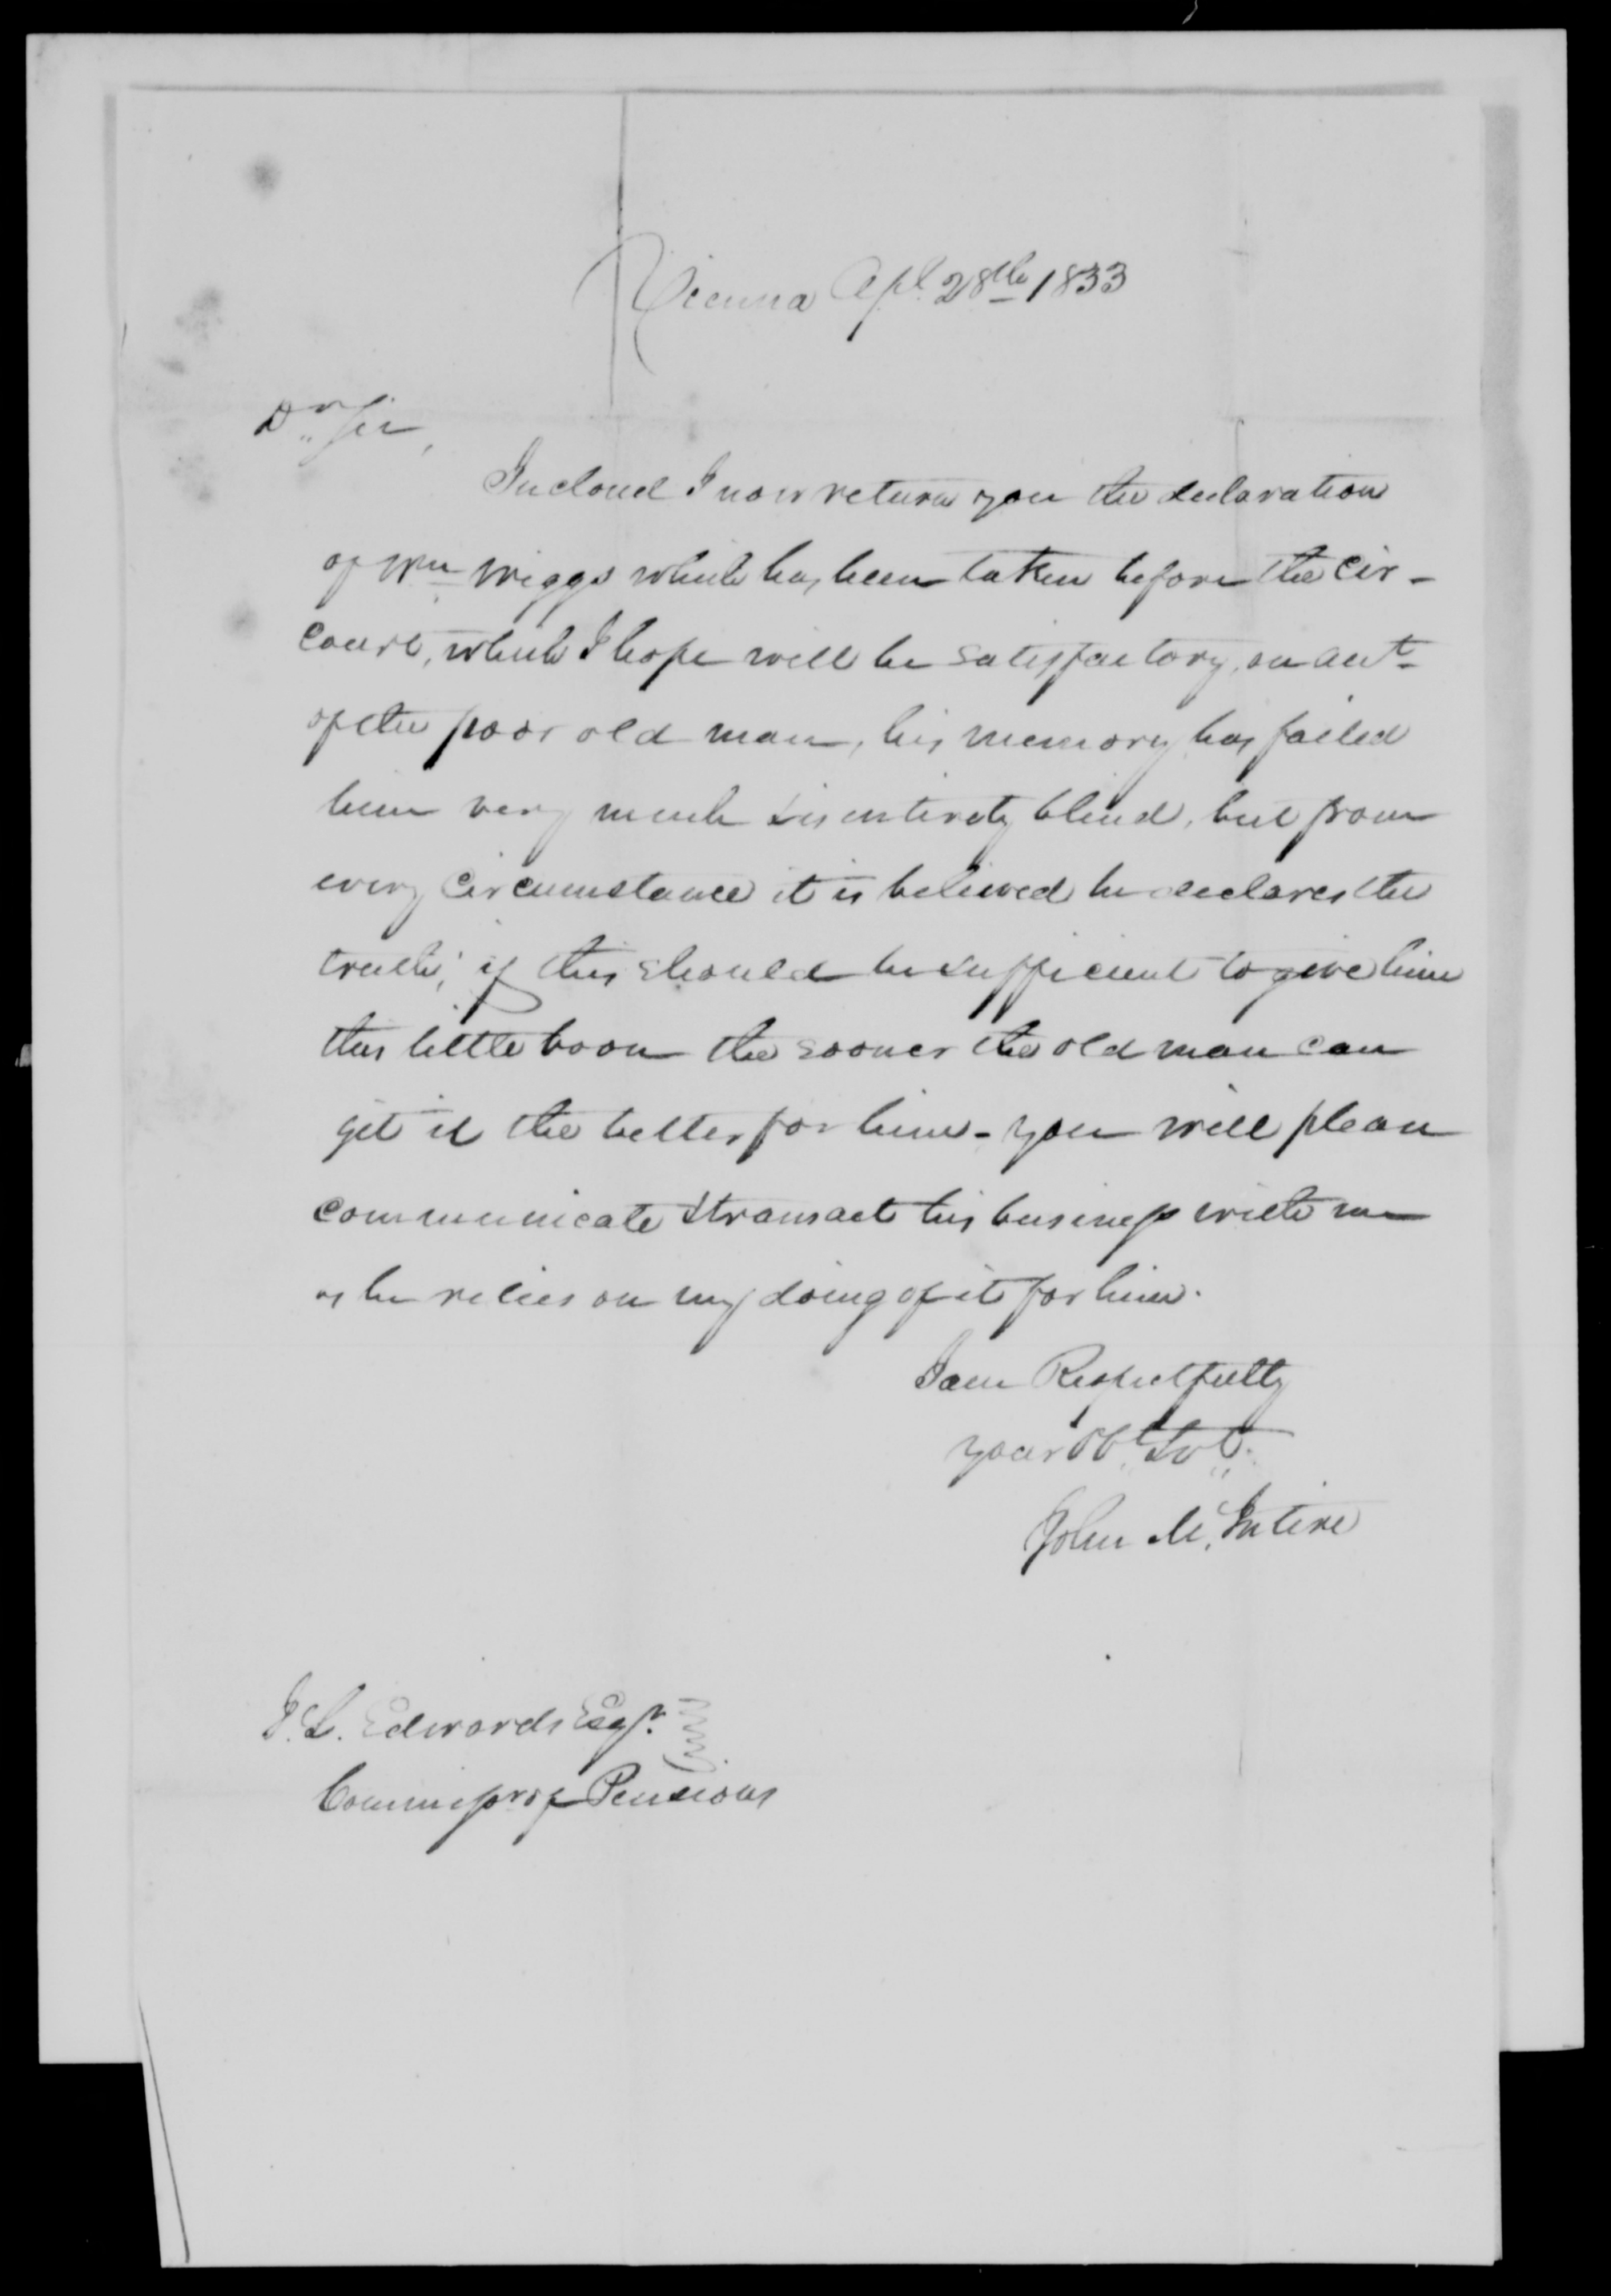Vienna     Apl 28th 1833
Dear Sir
                   Inclosed I now return you the declaration of Wm Wiggs which has been taken before the cir court, which I hope will be satisfactory on account of the poor old man, his memory has failed him very much +  is entirely blind, but from every circumstance it is believed he declared the truth. if this should be sufficient to give him this little boon the sooner the old man can get it the better for him-- you will please communicate & transact his business with me as he relies on my doing of it for him.
I am  Respectfully
your obt
John McIntire

JL. Edwards Esqr
Commiss of Pensions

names: John Mc Intire, Wm Wiggs, J L Edwards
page: 21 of 31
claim: survivor's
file: S. 32608, William Wiggs, N.C.